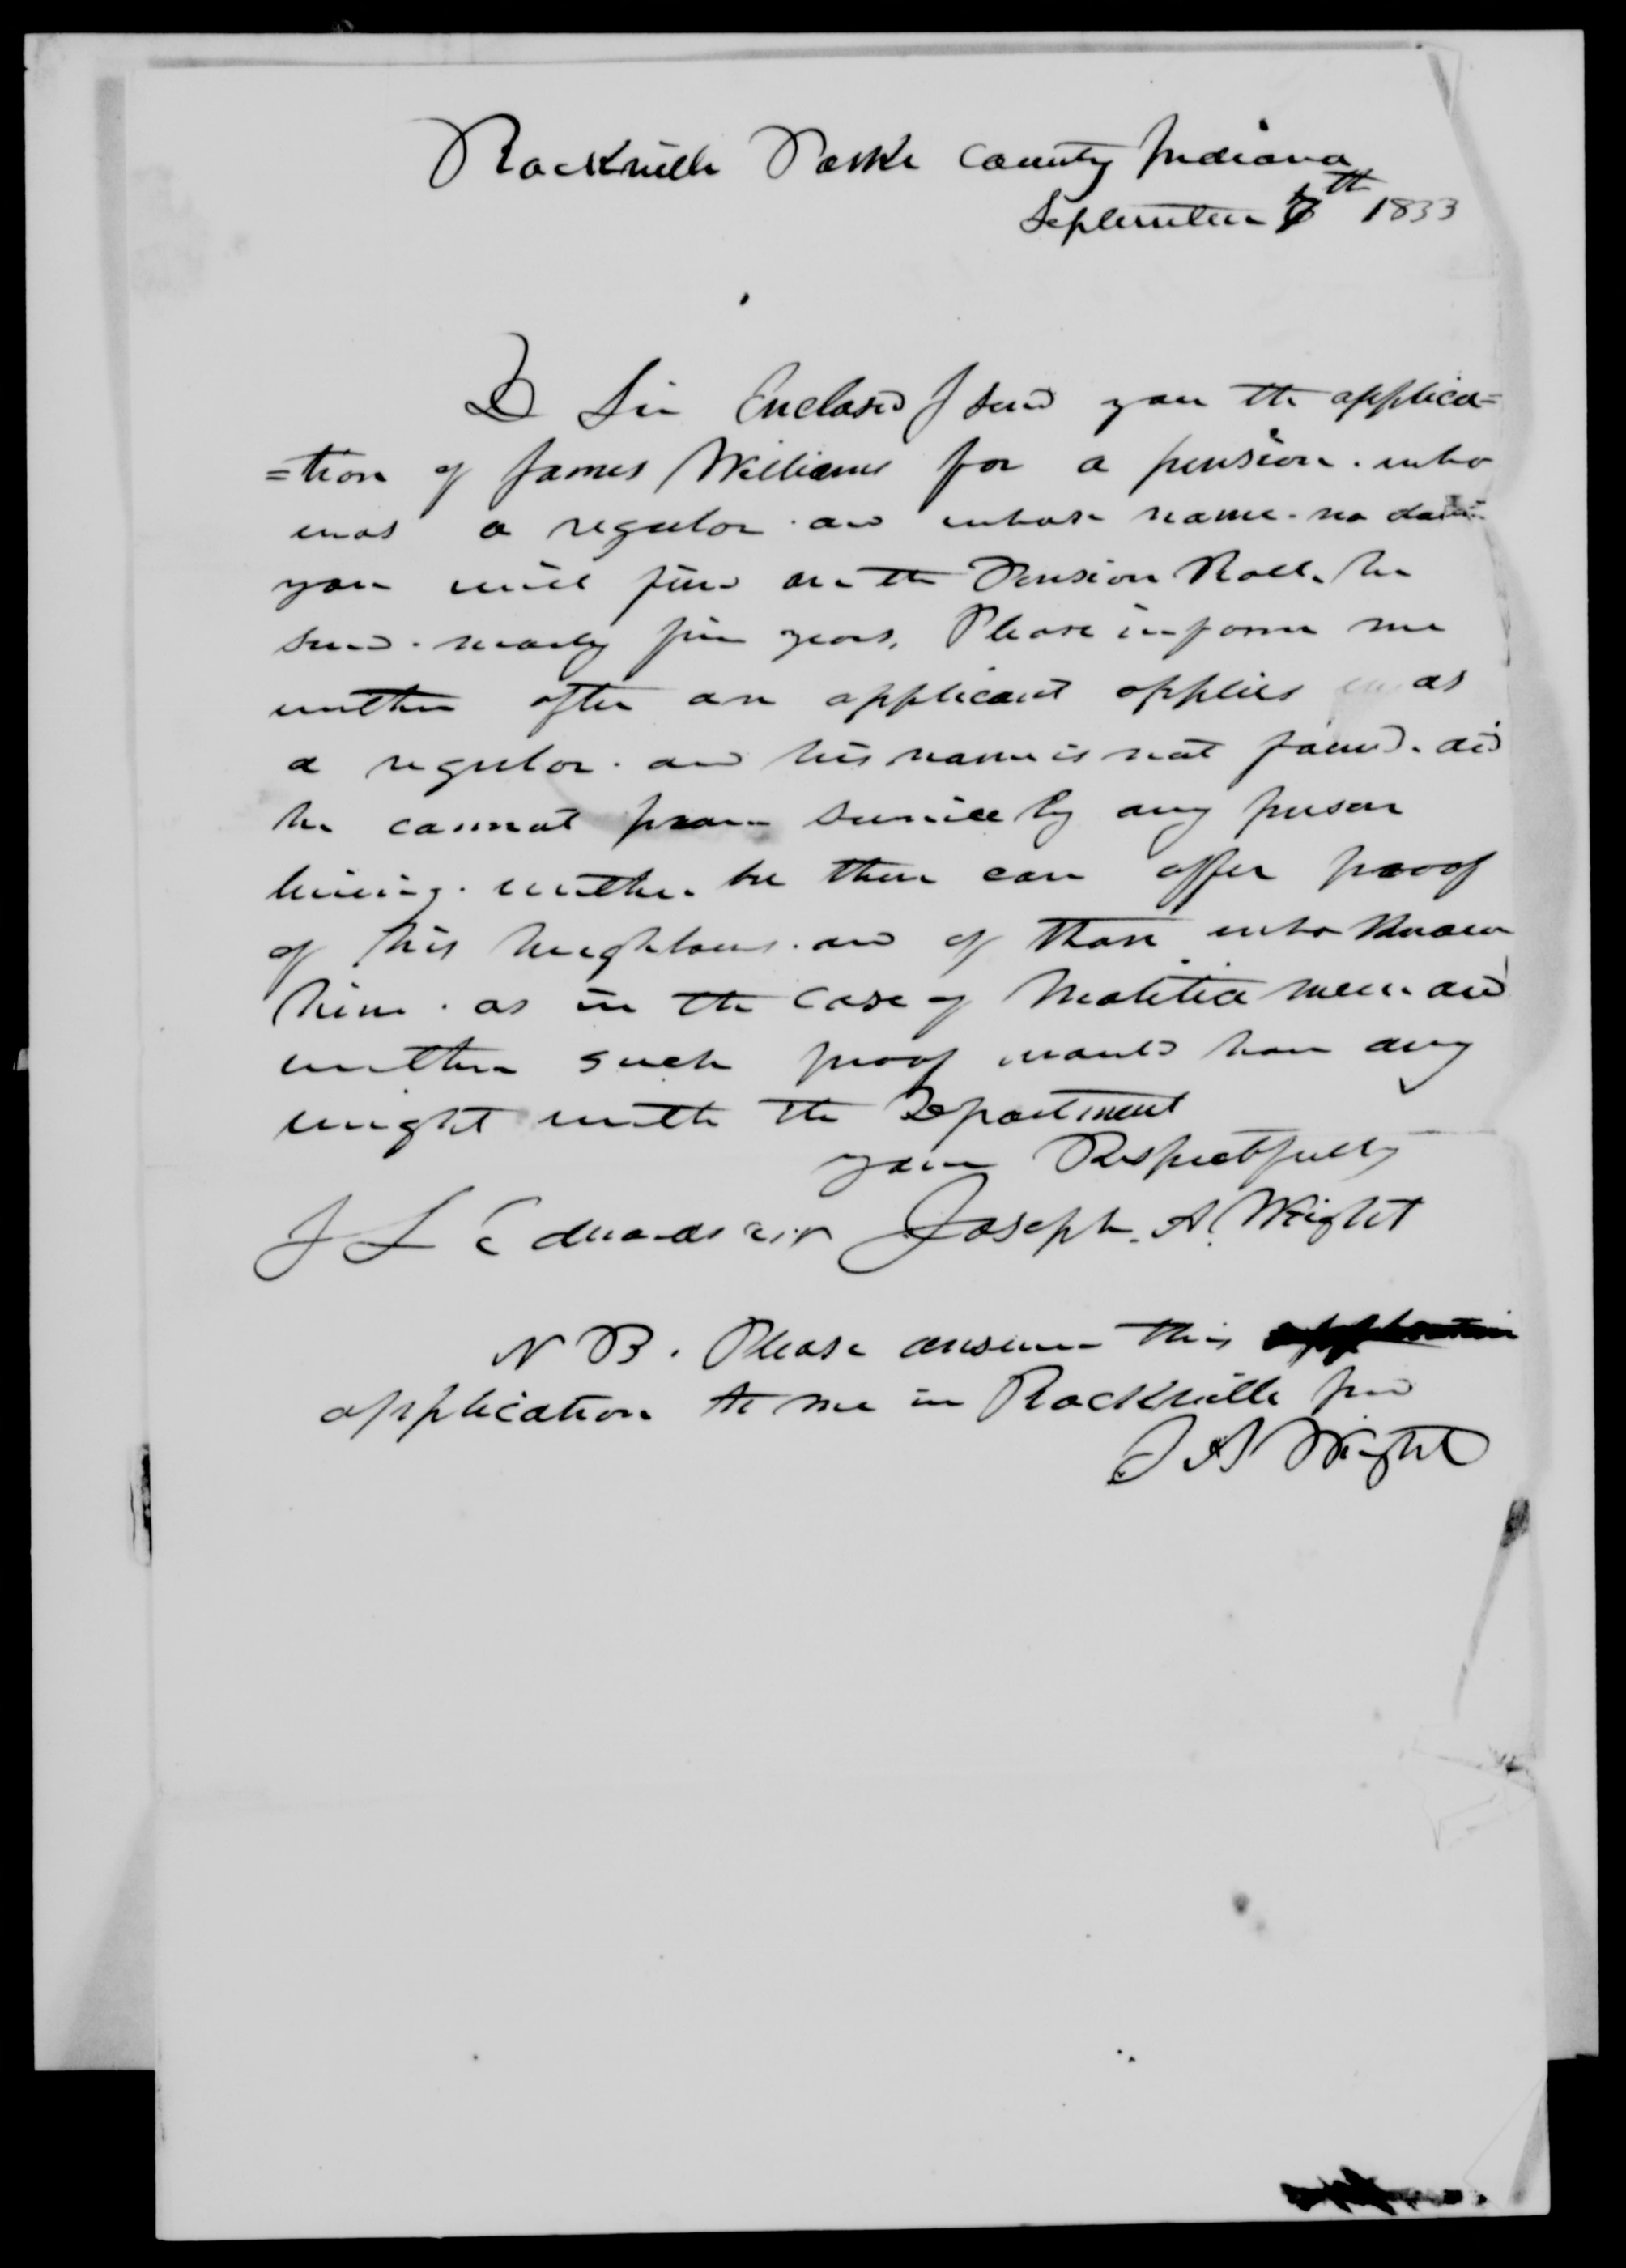Racketh Park County Indiana
Sir Enclosed I send you the applica
tion of James Williams for a pension who
was a regular an whos name not
you will find on the Pension Roll the
summary five years. Please inform me
wither after an applicant applies in as
regular and his name is not found and
he cannot prove service by any person
living with he then can offer proof
of his Reightons and of those who know
him as in the case of Malitia meman
with such proof would have any
might with the Department
Respectfully
---
Lucas Joseph A. Wight
N.B. Please answer this
application to me in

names: Joseph A Wright, J L Edwards, James Williams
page: 58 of 64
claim: widow's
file: W. 9,895, James Williams, Va